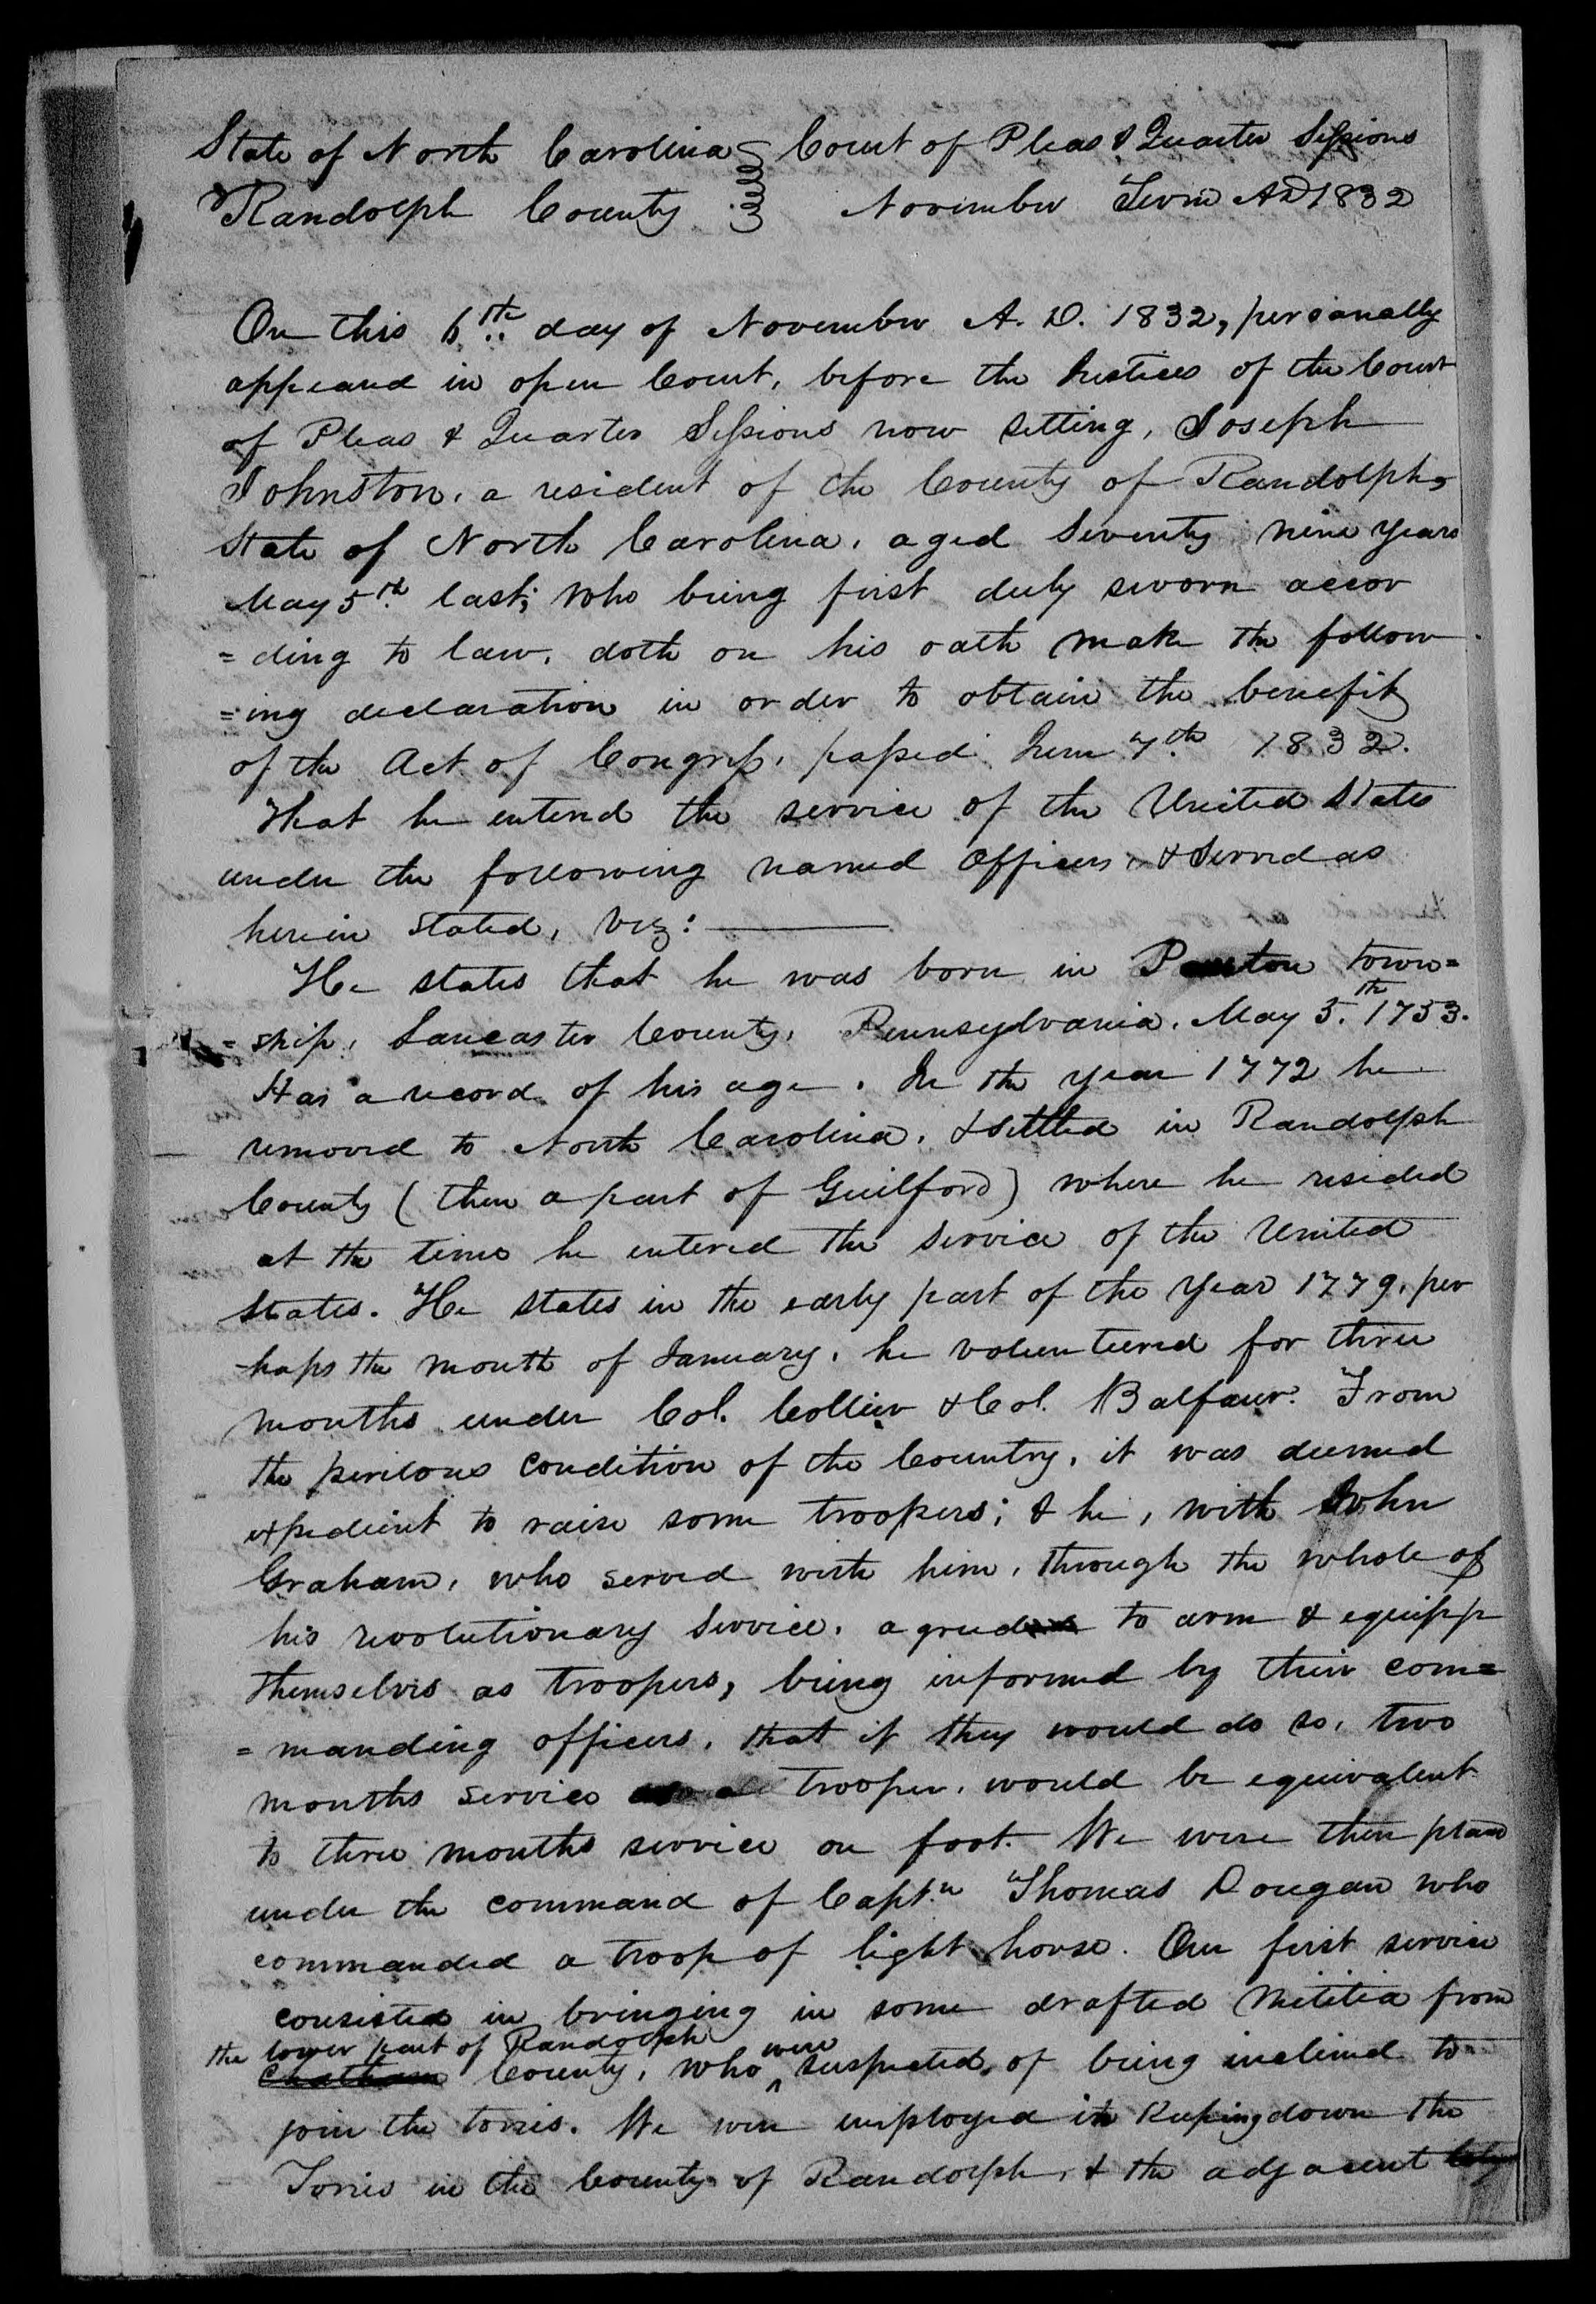State of North Carolina} 
Randolph County} Court of Pleas & Quarter Sessions November Term A.D. 1832 
On this 6th day of November A.D. 1832, personally appeared in open Court, before the Justices of the Court of Pleas & Quarter Sessions now sitting, Joseph Johnston, a resident of the County of Randolph, State of North Carolina, aged Seventy nine years May 5th last; who being first duly sworn according to law, doth on his oath make the following declaration in order to obtain the benefit of the Act of Congress passed June 7th, 1832. That he entered the service of the United States under the following named Officers & served as herein stated, viz.:
He states that he was born in Paxton Township, Lancaster County, Pennsylvania May 5th, 1753. [He] Has a record of his age. In the year 1772 he removed to North Carolina & settled in Randolph County (then a part of Guilford [County]) where he resided at the time he entered the Service of the United States. He states in the early part of the year 1779, perhaps the month of January, he volunteered for three months under Col. Collier [John Collier] & Col. Balfour [Lieutenant Colonel Andrew Balfour]. From the perilous condition of the Country, it was deemed expedient to raise some troopers; & he, with John Graham [S.6936], who served with him through the whole of his revolutionary Service, agreed to arm & equip themselves as troopers, being informed by their commanding officers, that if they would do so, two months service as a trooper, would be equivalent to three months service on foot. We were then placed under the command of Captain Thomas Dougan who commanded a troop of light horse. Our first service consisted in bringing in some drafted militia from the lower part of Randolph County, who were suspected of being inclined to join the Tories. We were employed in keeping down the Tories in the County of Randolph & in adjacent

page: 10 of 41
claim: widow's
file: W. 5033, for Joseph Johnston, North Carolina